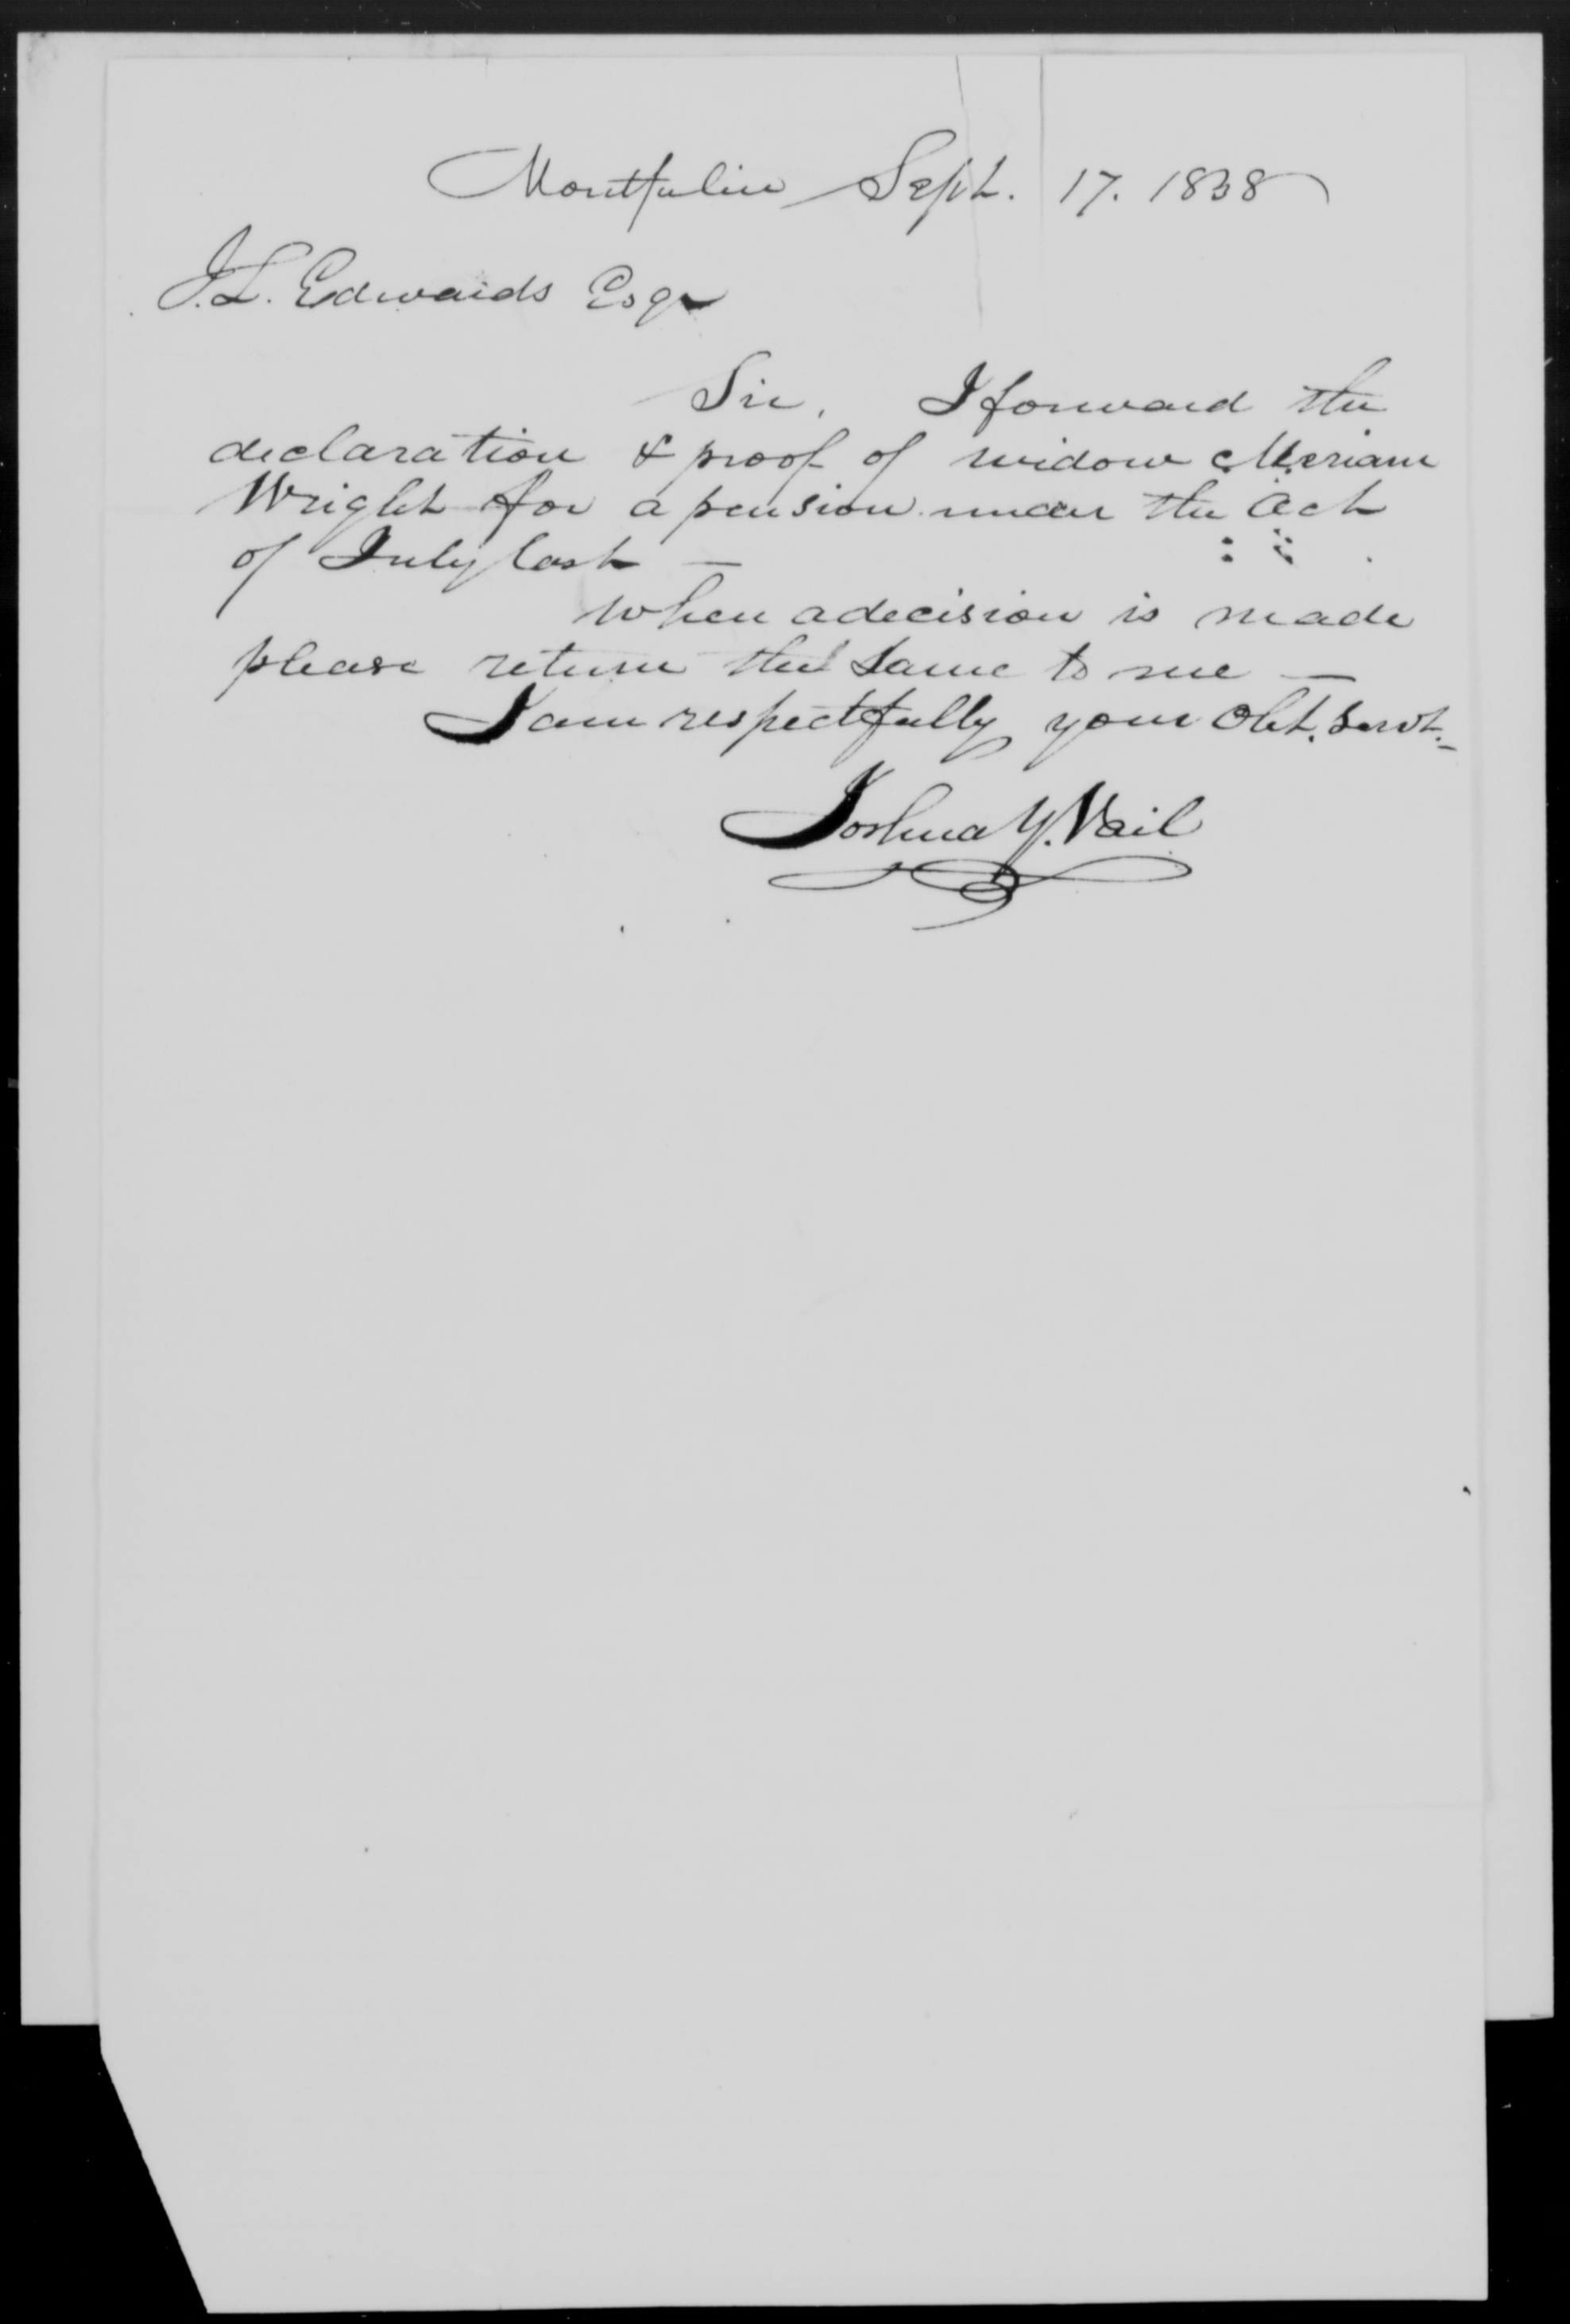Montpelier Sept. 17. 1838
J. L. Edwards Esqr
Sir, I forward the declaration & proof of widow Meriam Wright for a pension under the act
of July last-
when a decision is made please return the same to me--
I am respectfully your Obt. Servt.
Joshua Y. Vail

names: Joshua Y Vail, J L Edwards, Meriam Wright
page: 26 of 26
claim: widow's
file: W. 26,137, Elijah Wright, N.H.